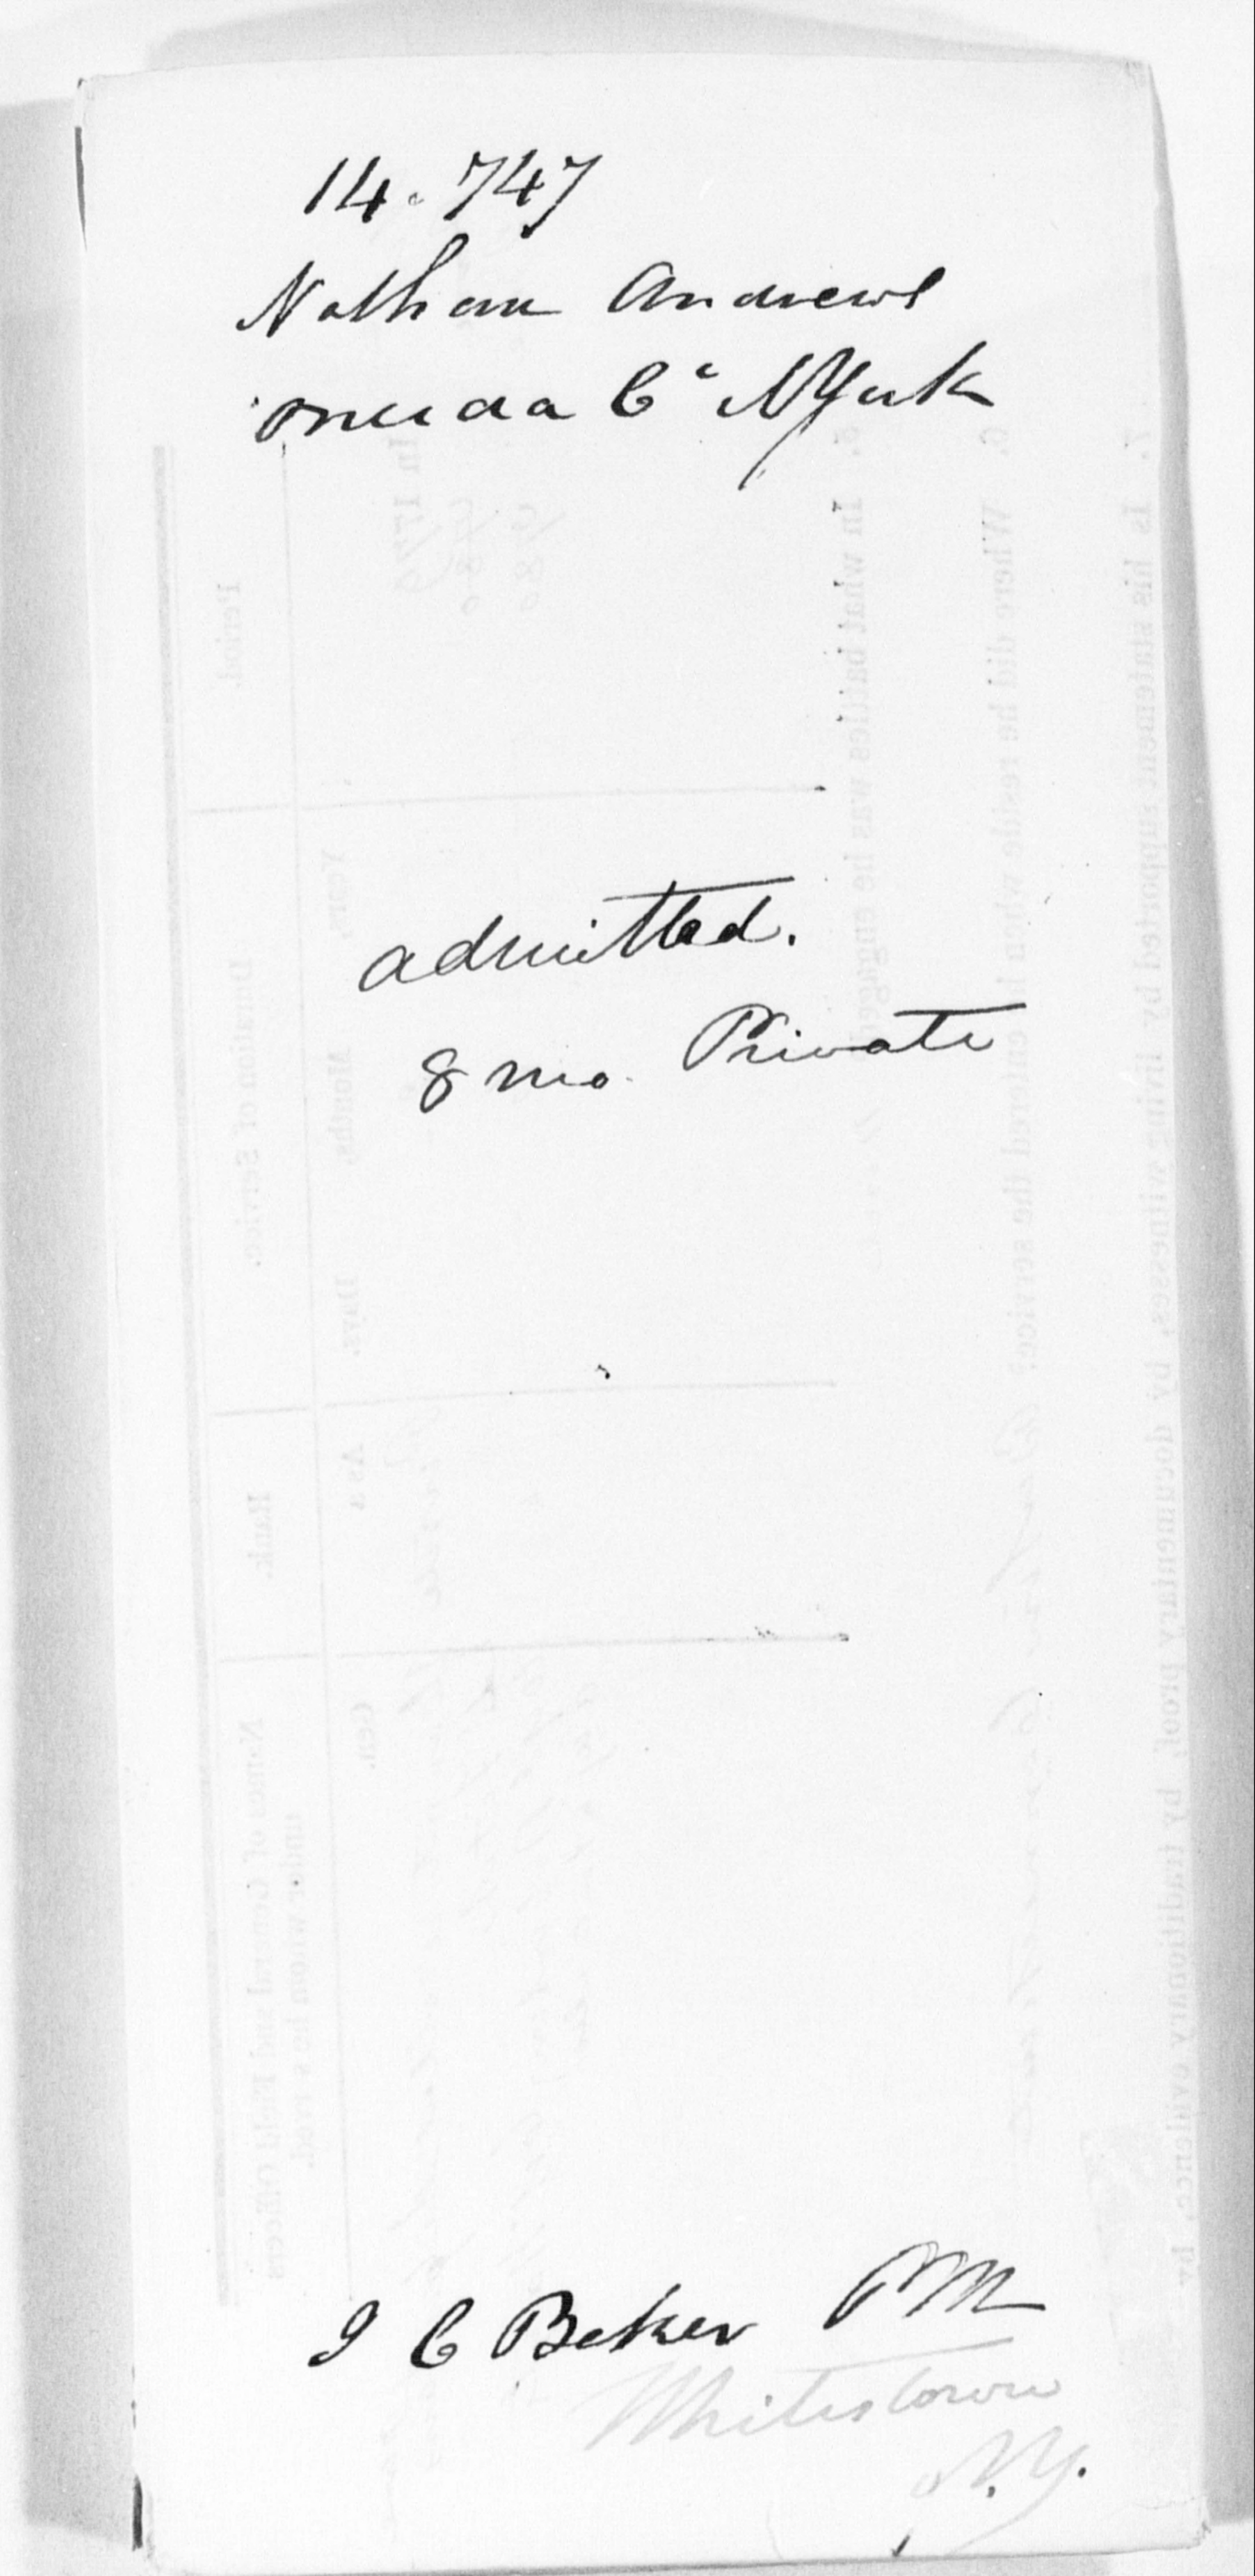14.747
Nathan Andrews
Oneida Co N York
admitted
8 mo Private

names: J C Beker, Nathan Andrews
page: 1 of 78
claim: widow's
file: W. 4117, Nathaniel Bradley, Conn.